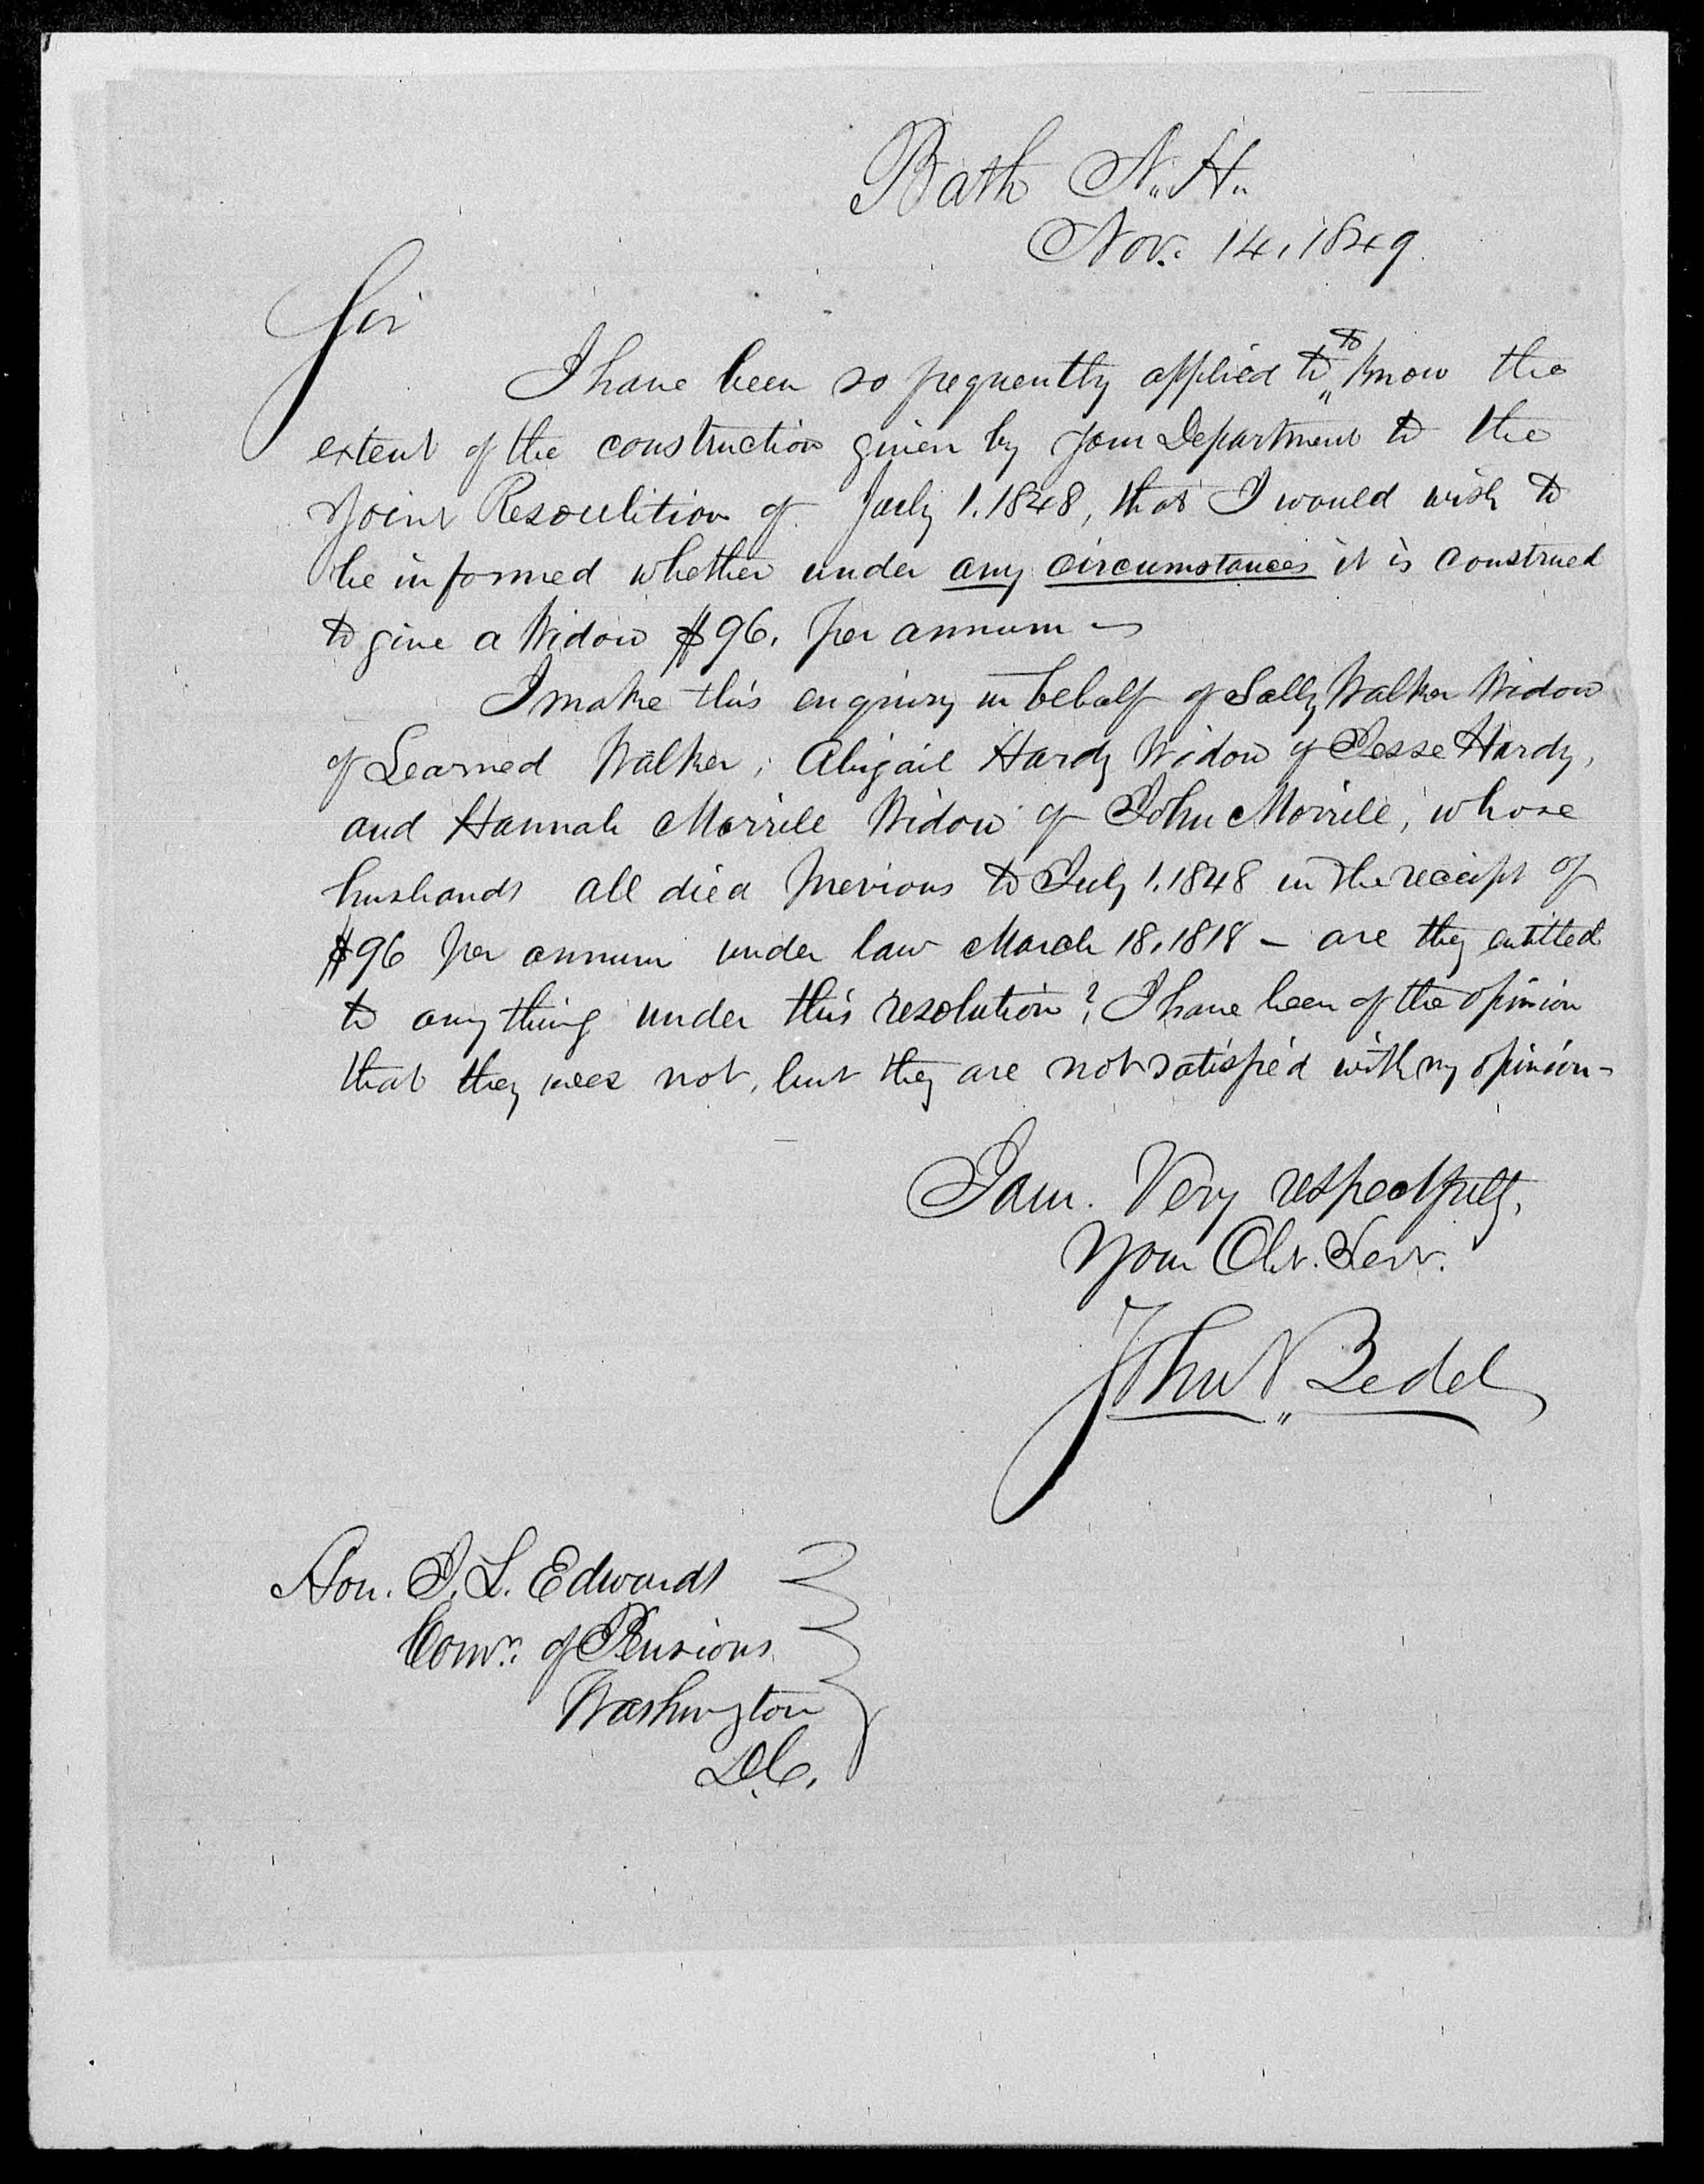Bath N.H. Nov. 14, 1849 
for 4 I have been so frequently applied to know the extent of the construction given by your Department to the Joint Resolution of July 1, 1848, that I would wish to he informed whether under any circumstances it is construed to give a Widow $96. per annum- 
I make this enquiry in behalf of Sally Walker Widow of Learned Walker, Abigail Hardy Widow of Jesse Hardy, and Hannah Morrill Widow of John Morrill, whose husbands all died previous to July 1, 1848 in the receipt of $96 per annum under law March 18, 1818 -- are they entitled to anything under this resolution? I have been of the opinion that they were not, but they are not satisfied with my opinion 
I am Very respectfully your Obt. Serv. John Bedel
Hon. J. L. Edwards Comr of Pensions Washington D.C.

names: Sally Walker, John Bedel, John Morrill, Jesse Hardy, Abigail Hardy, Learned Walker, Hannah Morrill, J L Edwards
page: 60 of 67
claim: widow's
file: W. 23183, Jesse Hardy, Mass.